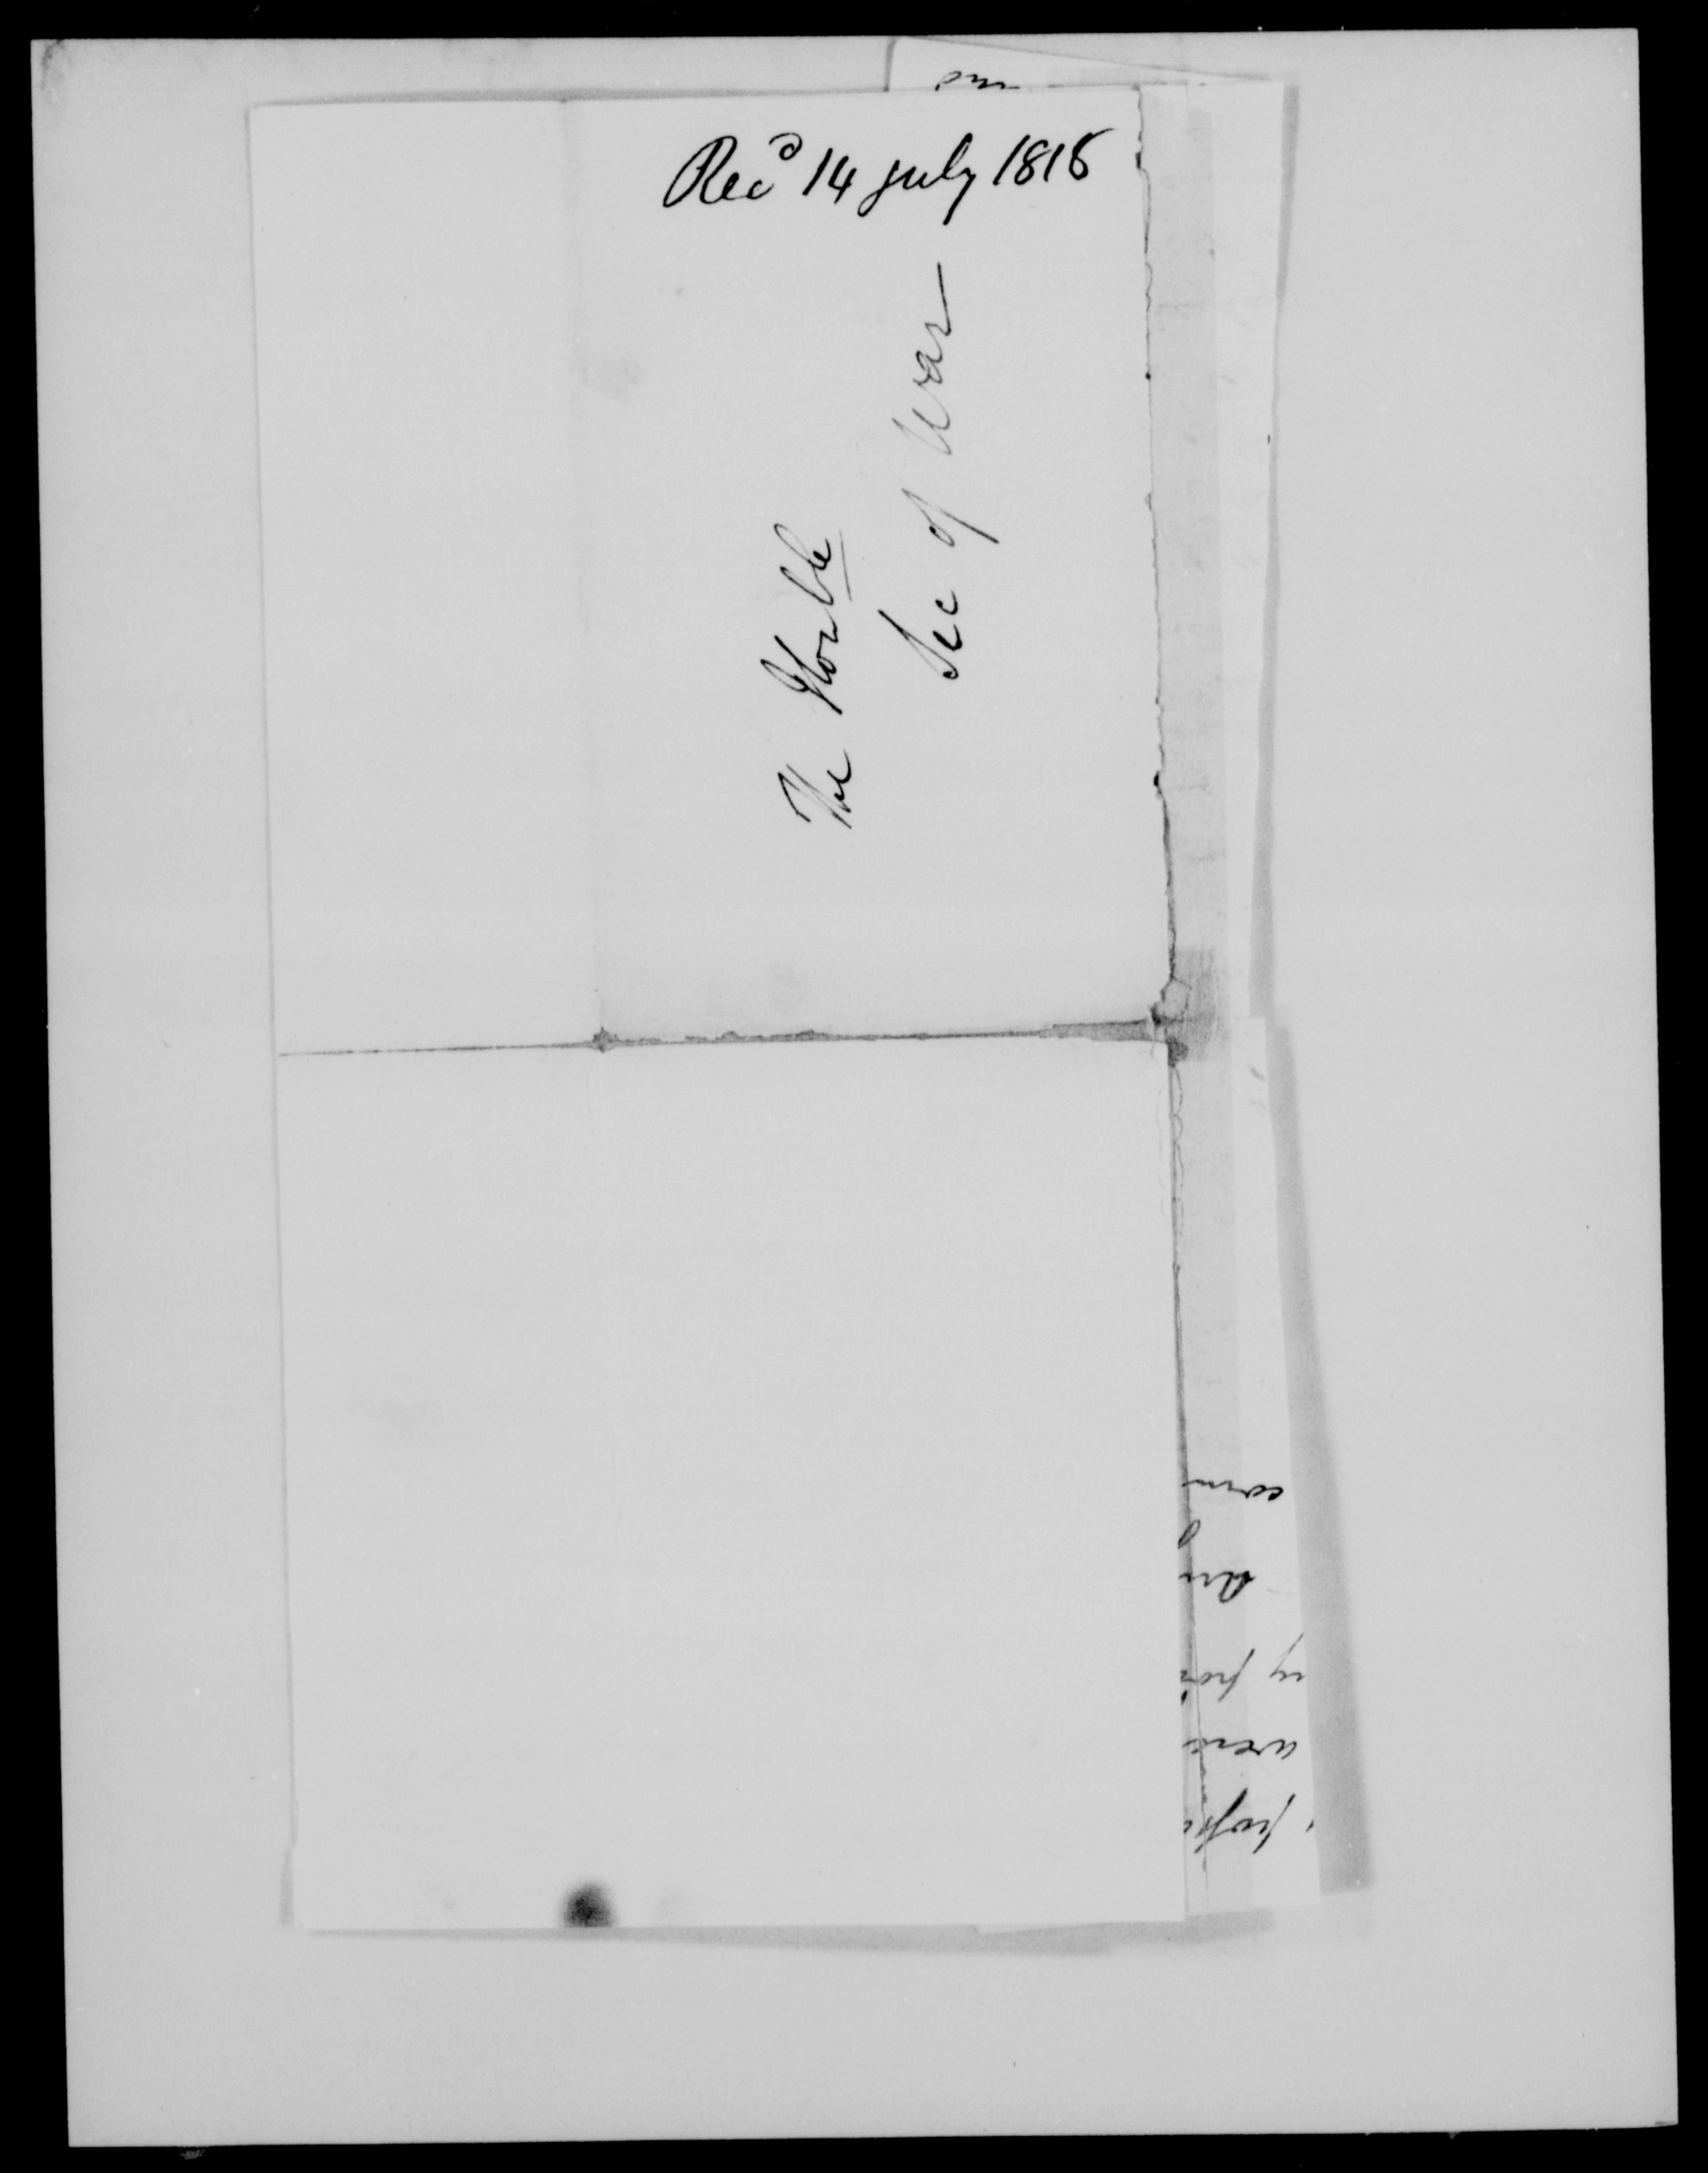Recd 14 July 1818

The Honble
Sec of War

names: [BLANK]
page: 11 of 19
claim: survivor's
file: S. 38,409, for John Stackhouse, Virginia